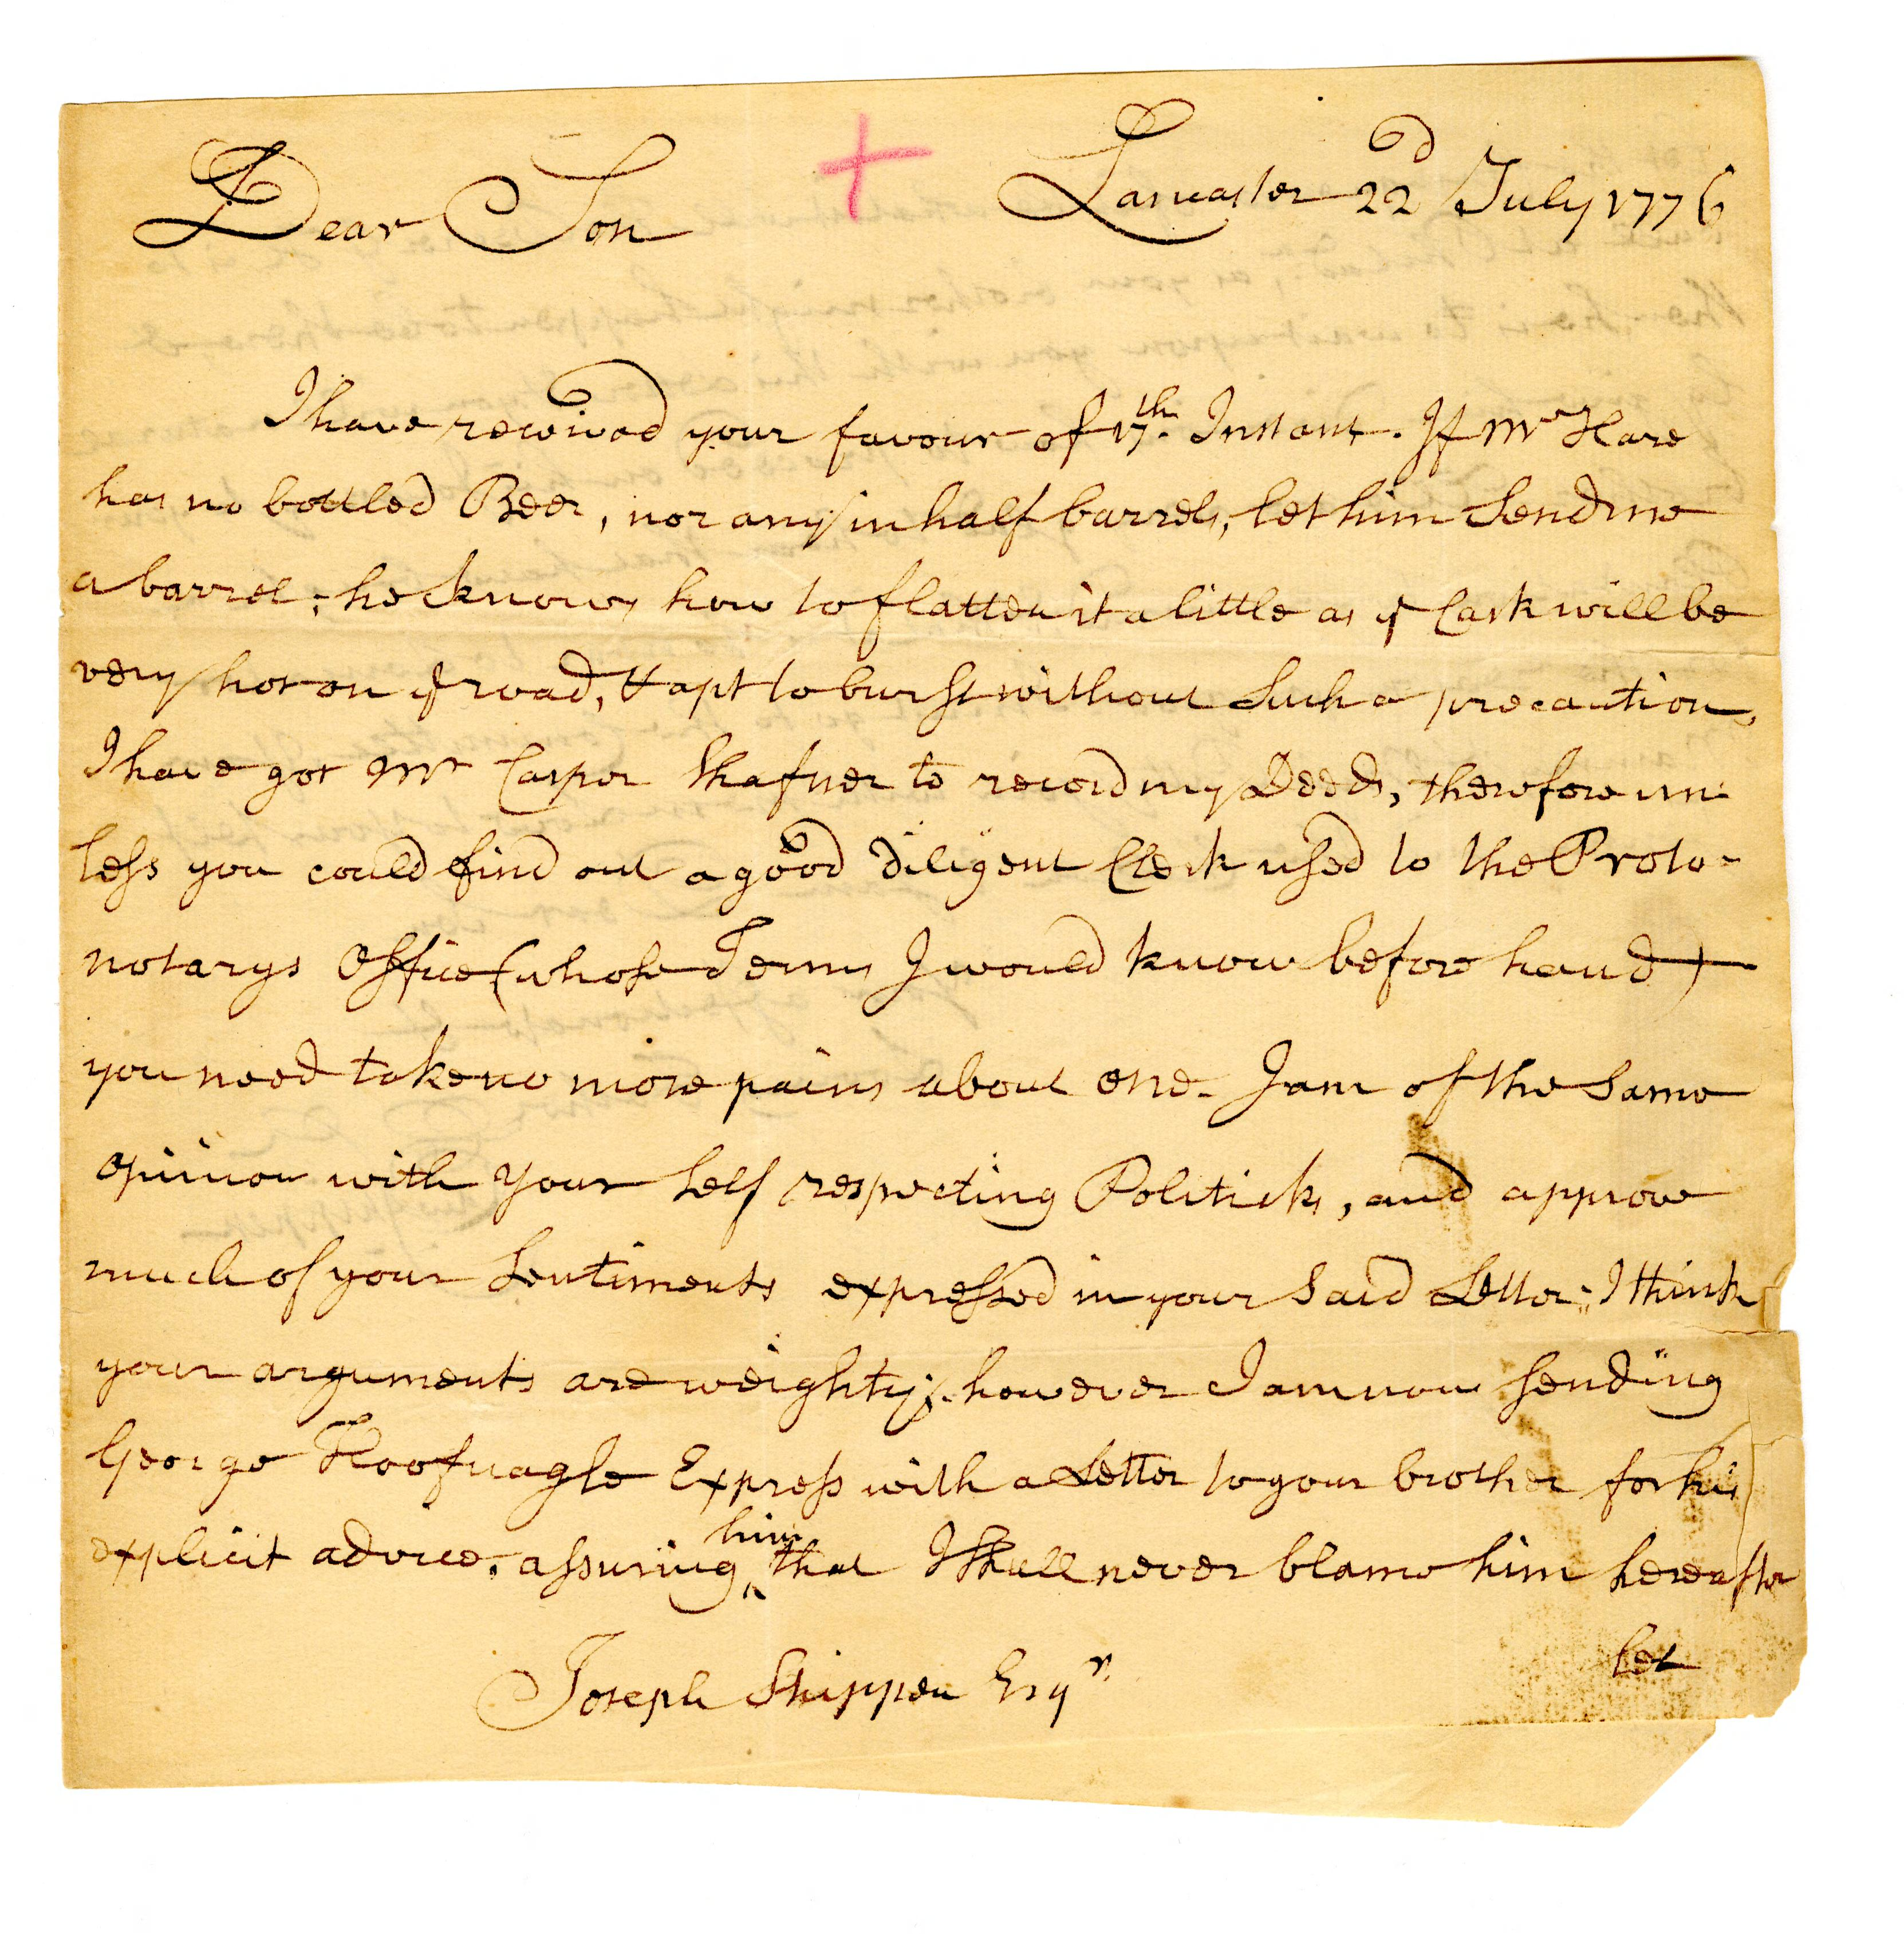Lancaster 22^d July 1776
Dear Son
I have received your favour of 17.^th Instant. If M^r Hare
has no bottled Beer, nor any in half barrels, let him send me
a barrel; he knows how to flatten it a little as y^e Cask will be
very hot on y^e road, & apt to burst without such a provocation
I have got M^r Casper Shafner to record my Deed; therefore un
less you could find out a good diligent Clerk used to the Proto-
notarys Office (whose Terms I would know before hand)
you need take no more pains about one- I am of the same
opinion with your self respecting Politicks, and approve
much of your sentiments expressed in your said Letter; I think
your arguments are weighty; however I am now sending
George Hoofnagle Express with a Letter to your brother for his
him
explicit advice, assuring ^ that I shall never blame him hereafter
let
Joseph Shippen Esq^r.